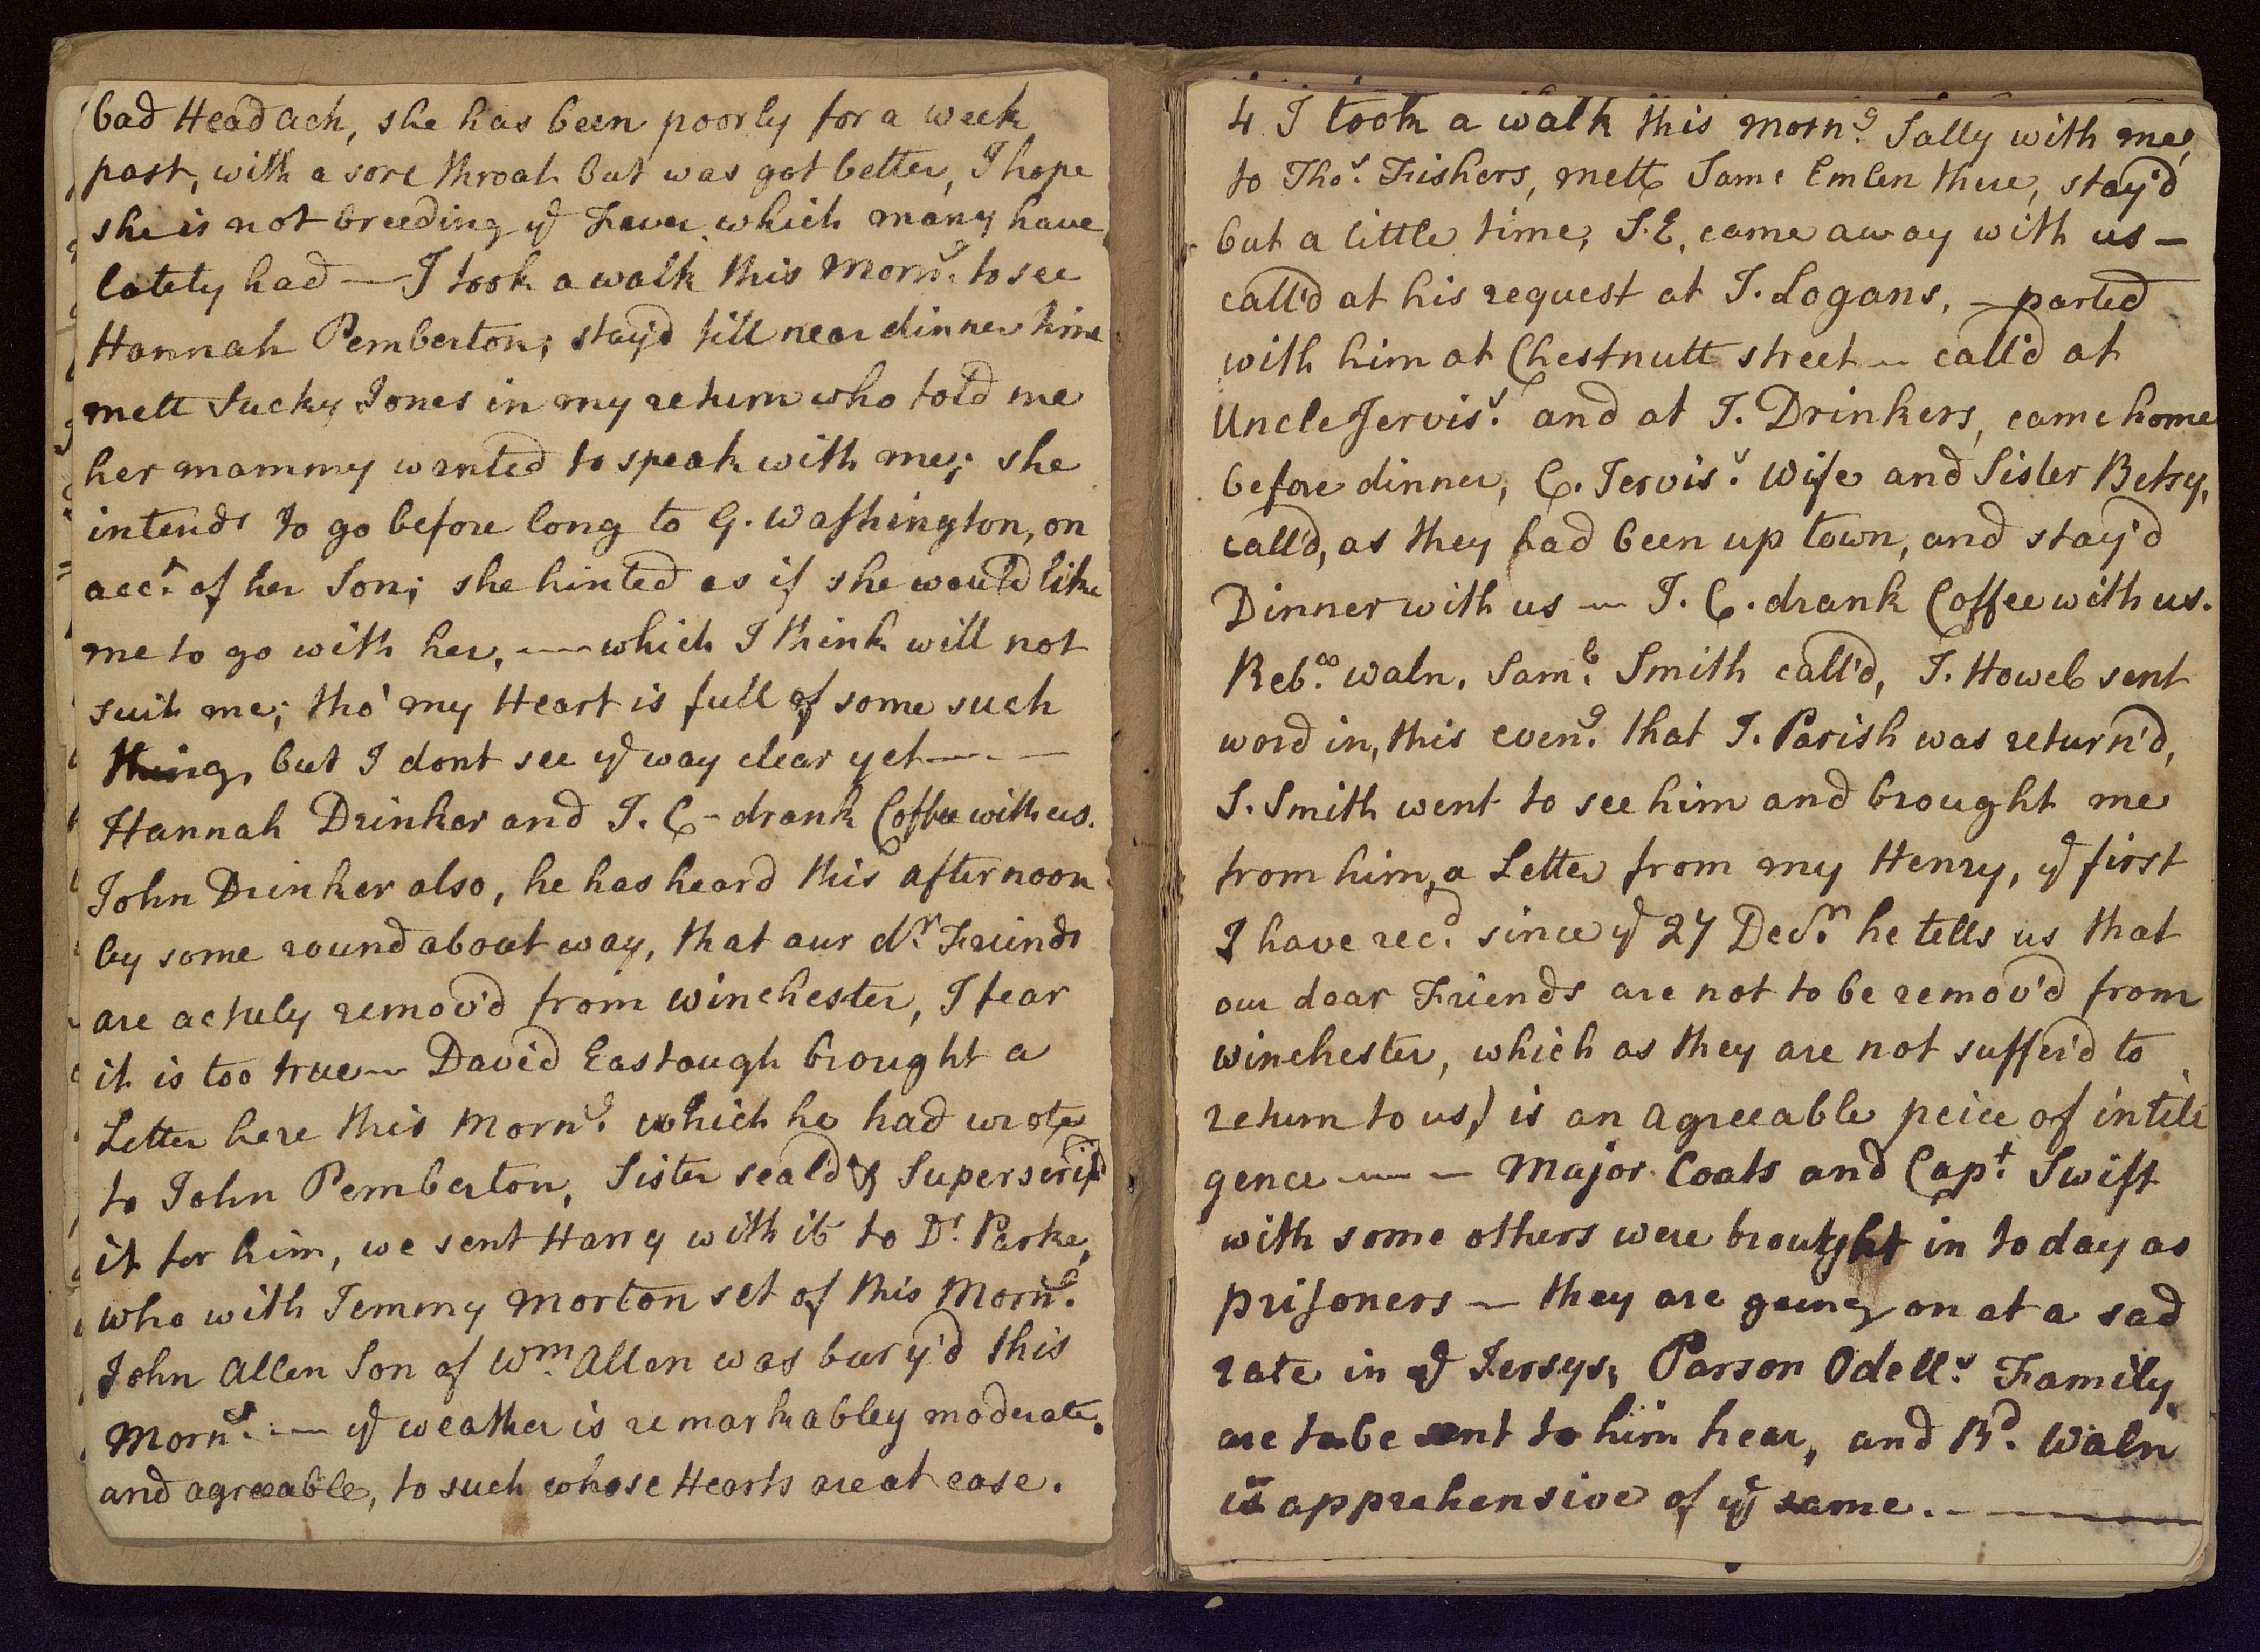bad Head ach, she has been poorly for a week
past, with a sore throat but was got better, I hope
she is not breeding y^e Fever, which many have
lately had- I took a walk this Morn^g. to see
Hannah Pemberton; stay'd till near dinner time
mett Sucky Jones in my return who told me
her mammy wanted to speak with me; she
intends to go before long to G. Washington, on
acc^t. of her Son; she hinted as if she would like
me to go with her,- which I think will not
suit me; tho' my Heart is full of some such
thing, but I dont see y^e way clear yet-
Hannah Drinker and J.C- drank Coffee with us.
John Drinker also, he has heard this afternoon
by some round about way, that our d^r. Friends
are actuly remov'd from Winchester, I fear
it is too true- David Eastough brought a
Letter here this morn^g. which he had wrote
to John Pemberton, Sister seal'd & Superscript
it for him, we sent Harry with it to D^r. Parke,
who with Jemmy Morton set of this Morn^g.
John Allen Son of W^m. Allen was bury'd this
Morn^g.- y^e weather is remarkably moderate.
and agreeable, to such whose Hearts are at ease.
4 I took a walk this morn^g. Sally with me,
to Tho.^s Fishers, mett Saml Emlen there, stay'd
but a little time, S.E. came away with us-
call'd at his request at T. Logans,- parted
with him at Chestnutt street- call'd at
Uncle Jervis^s. and at T. Drinkers, came home
before dinner, C. Jervis^s. Wife and Sister Betsy,
call'd, as they had been up town, and stay'd
Dinner with us- I.C. drank Coffee with us.
Reb^a. Waln, Sam^l. Smith call'd, T. Howel sent
word in, this even^g. that T. Parish was return'd,
S. Smith went to see him and brought me
from him a Letter from my Henry, y^e first
I have rec^d. since y^e 24 Dec^r. he tells us that
our dear Friends are not to be remov'd from
Winchester, which as they are not suffer'd to
return to us) is an agreeable peice of intili
gence-- Major Coats and Cap^t. Swift
with some others were brought in to day as
prisoners- they are going on at a sad
rate in y^e Jersys, Parson Odell^s. Family,
are to be sent to him hear, and R^d. Waln
is apprehensive of y^e same.